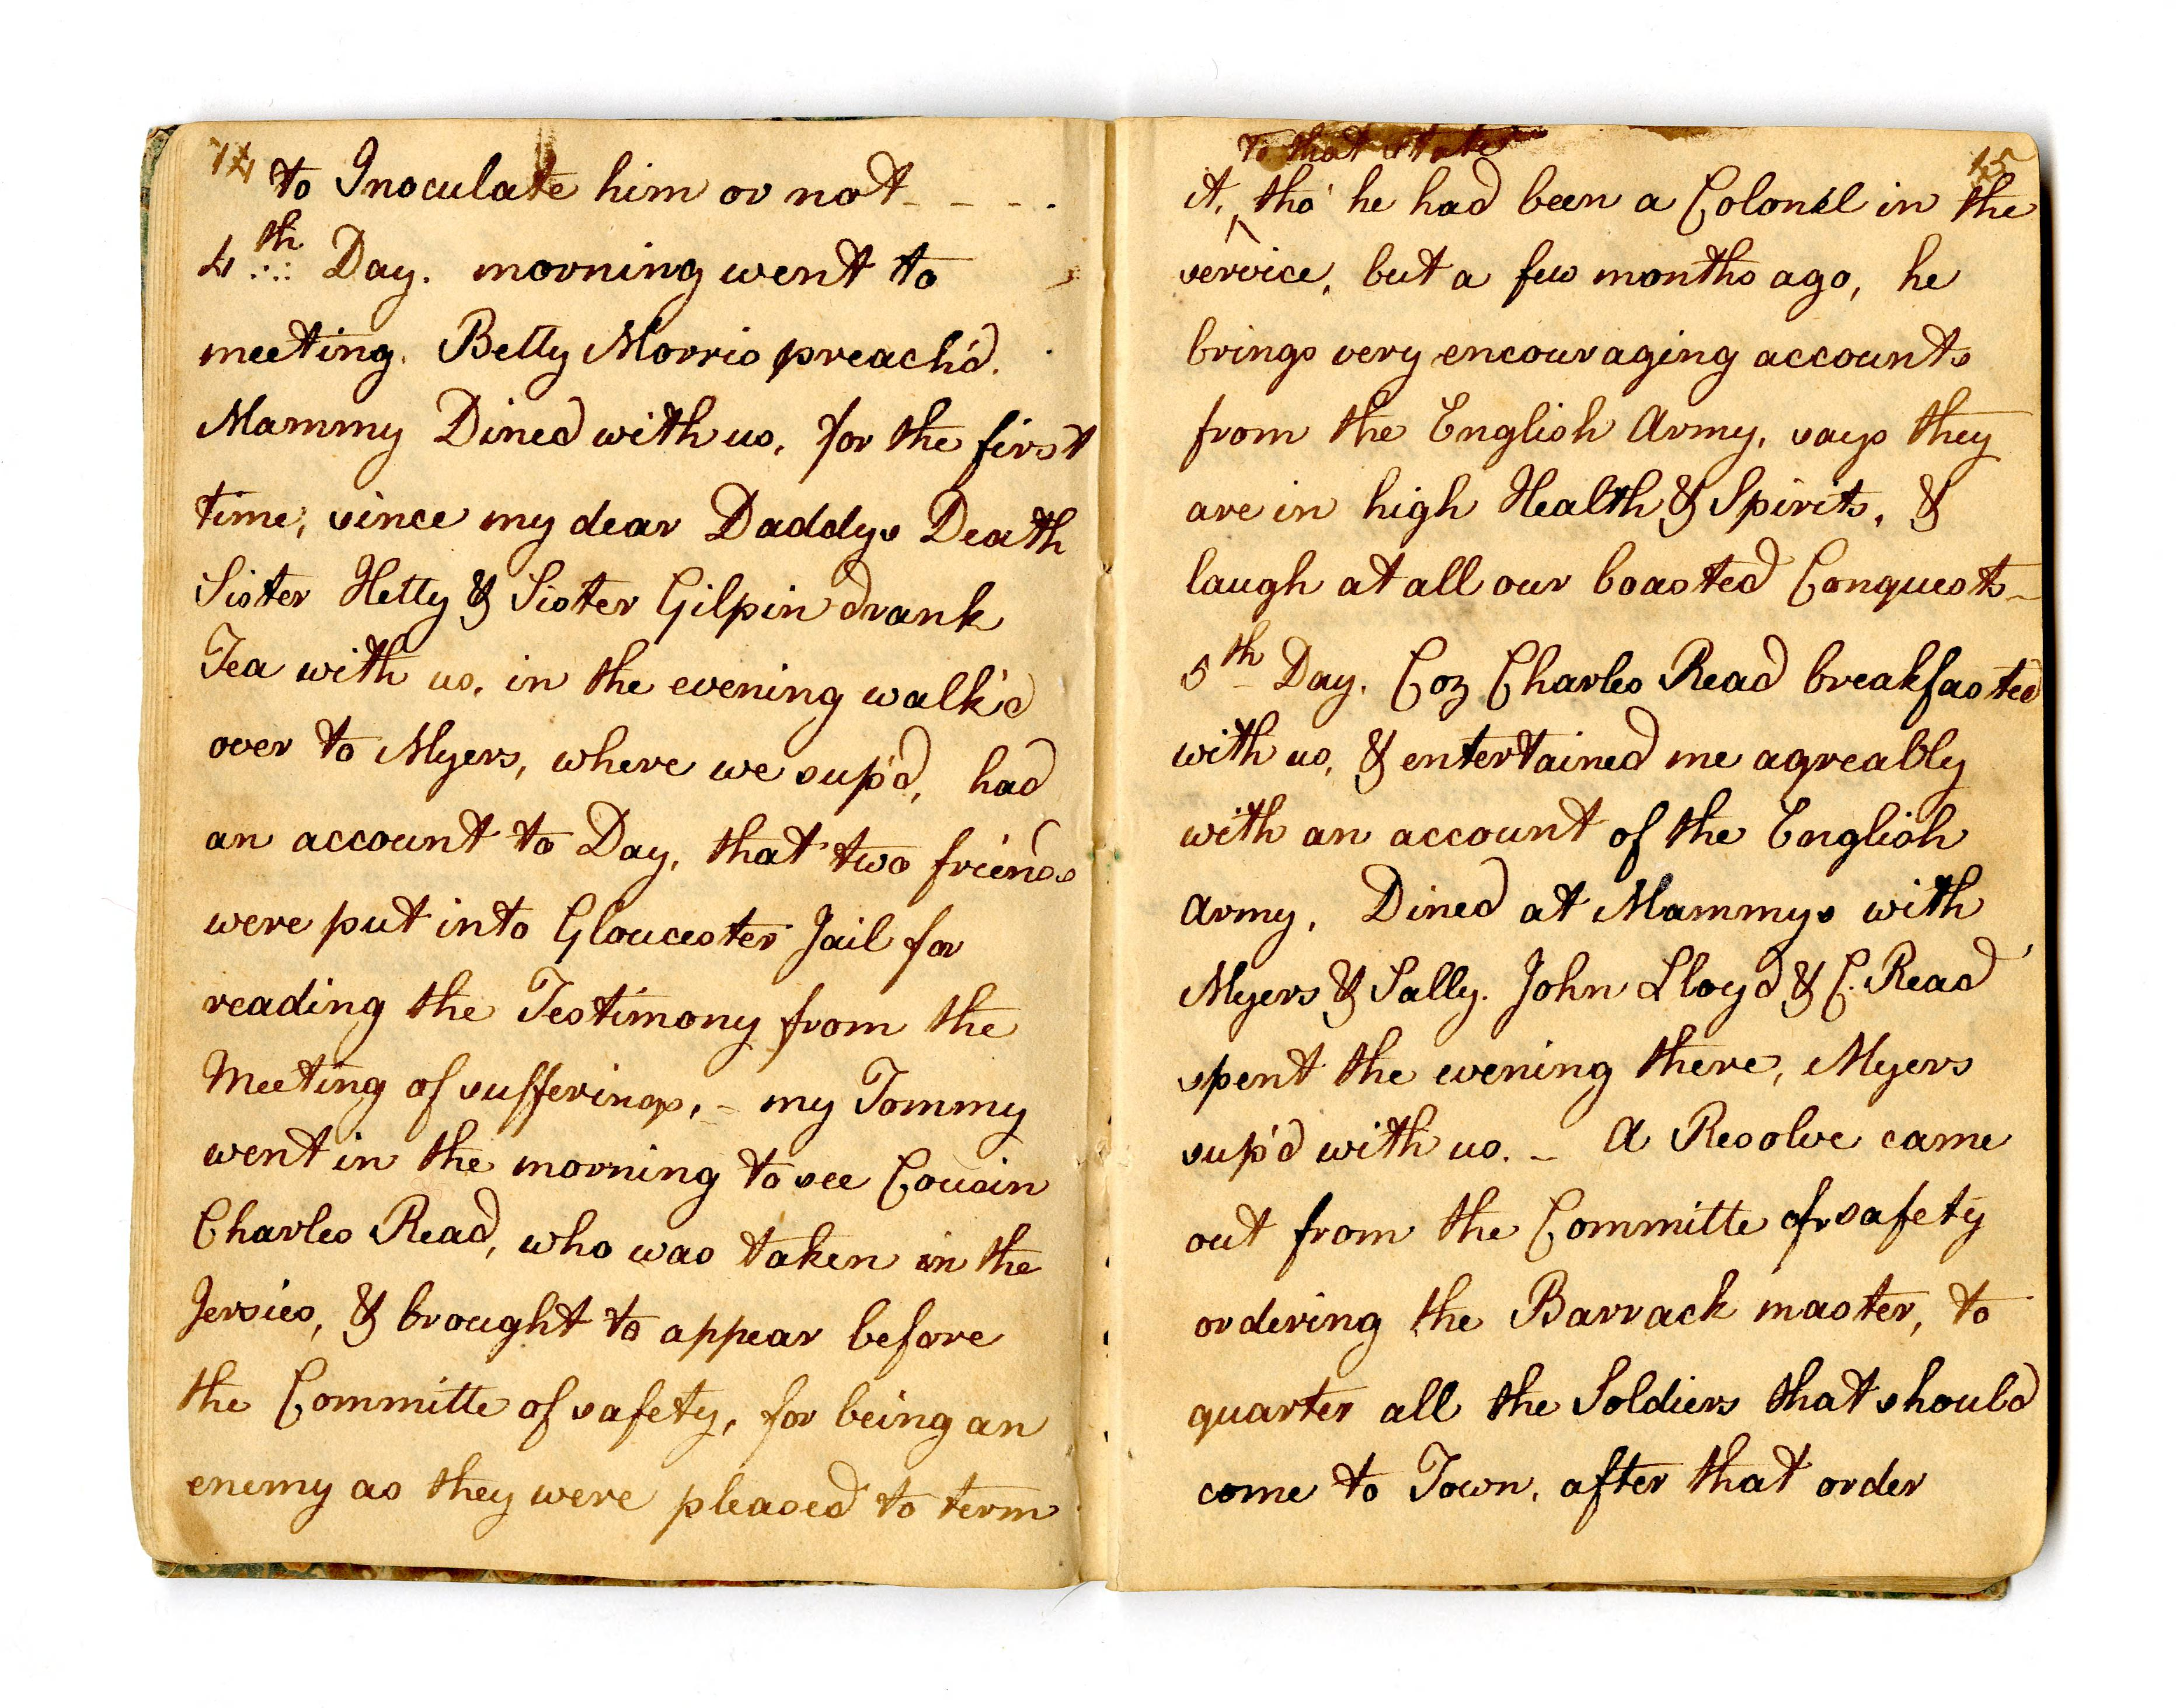to Inoculate him or not-
4^th Day. morning went to
meeting. Betty Morris preached.
Mammy Dined with us, for the first
time, since my dear Daddys Death
Sister Hetty & Sister Gilpin drank
Tea with us, in the evening walk'd
over to Myers, where we sup'd, had
an account to Day, that two friends
were put into Gloucester Jail for
reading the Testimony from the
Meeting of sufferings,- my Tommy
went in the morning to see Cousin
Charles Read, who was taken in the
Jersies, & brought to appear before
the Committee of safety, for being an
enemy as they were pleased to term
To that state
it, ^ tho' he had been a Colonel in the ^15
service, but a few months ago, he
brings very encouraging accounts
from the English Army, says they
are in high Health & Spirits, &
laugh at all our boasted Conquests
5^th Day. Coz Charles Read breakfasted
with us, & entertained me agreably
with an account of the English
Army, Dined at Mammys with
Myers & Sally. John Lloyd & C. Read
spent the evening there, Myers
sup'd with us.- A Resolve came
out from the Committe of safety
ordering the Barrack master, to
quarter all the Soldiers that should
come to Town, after that order